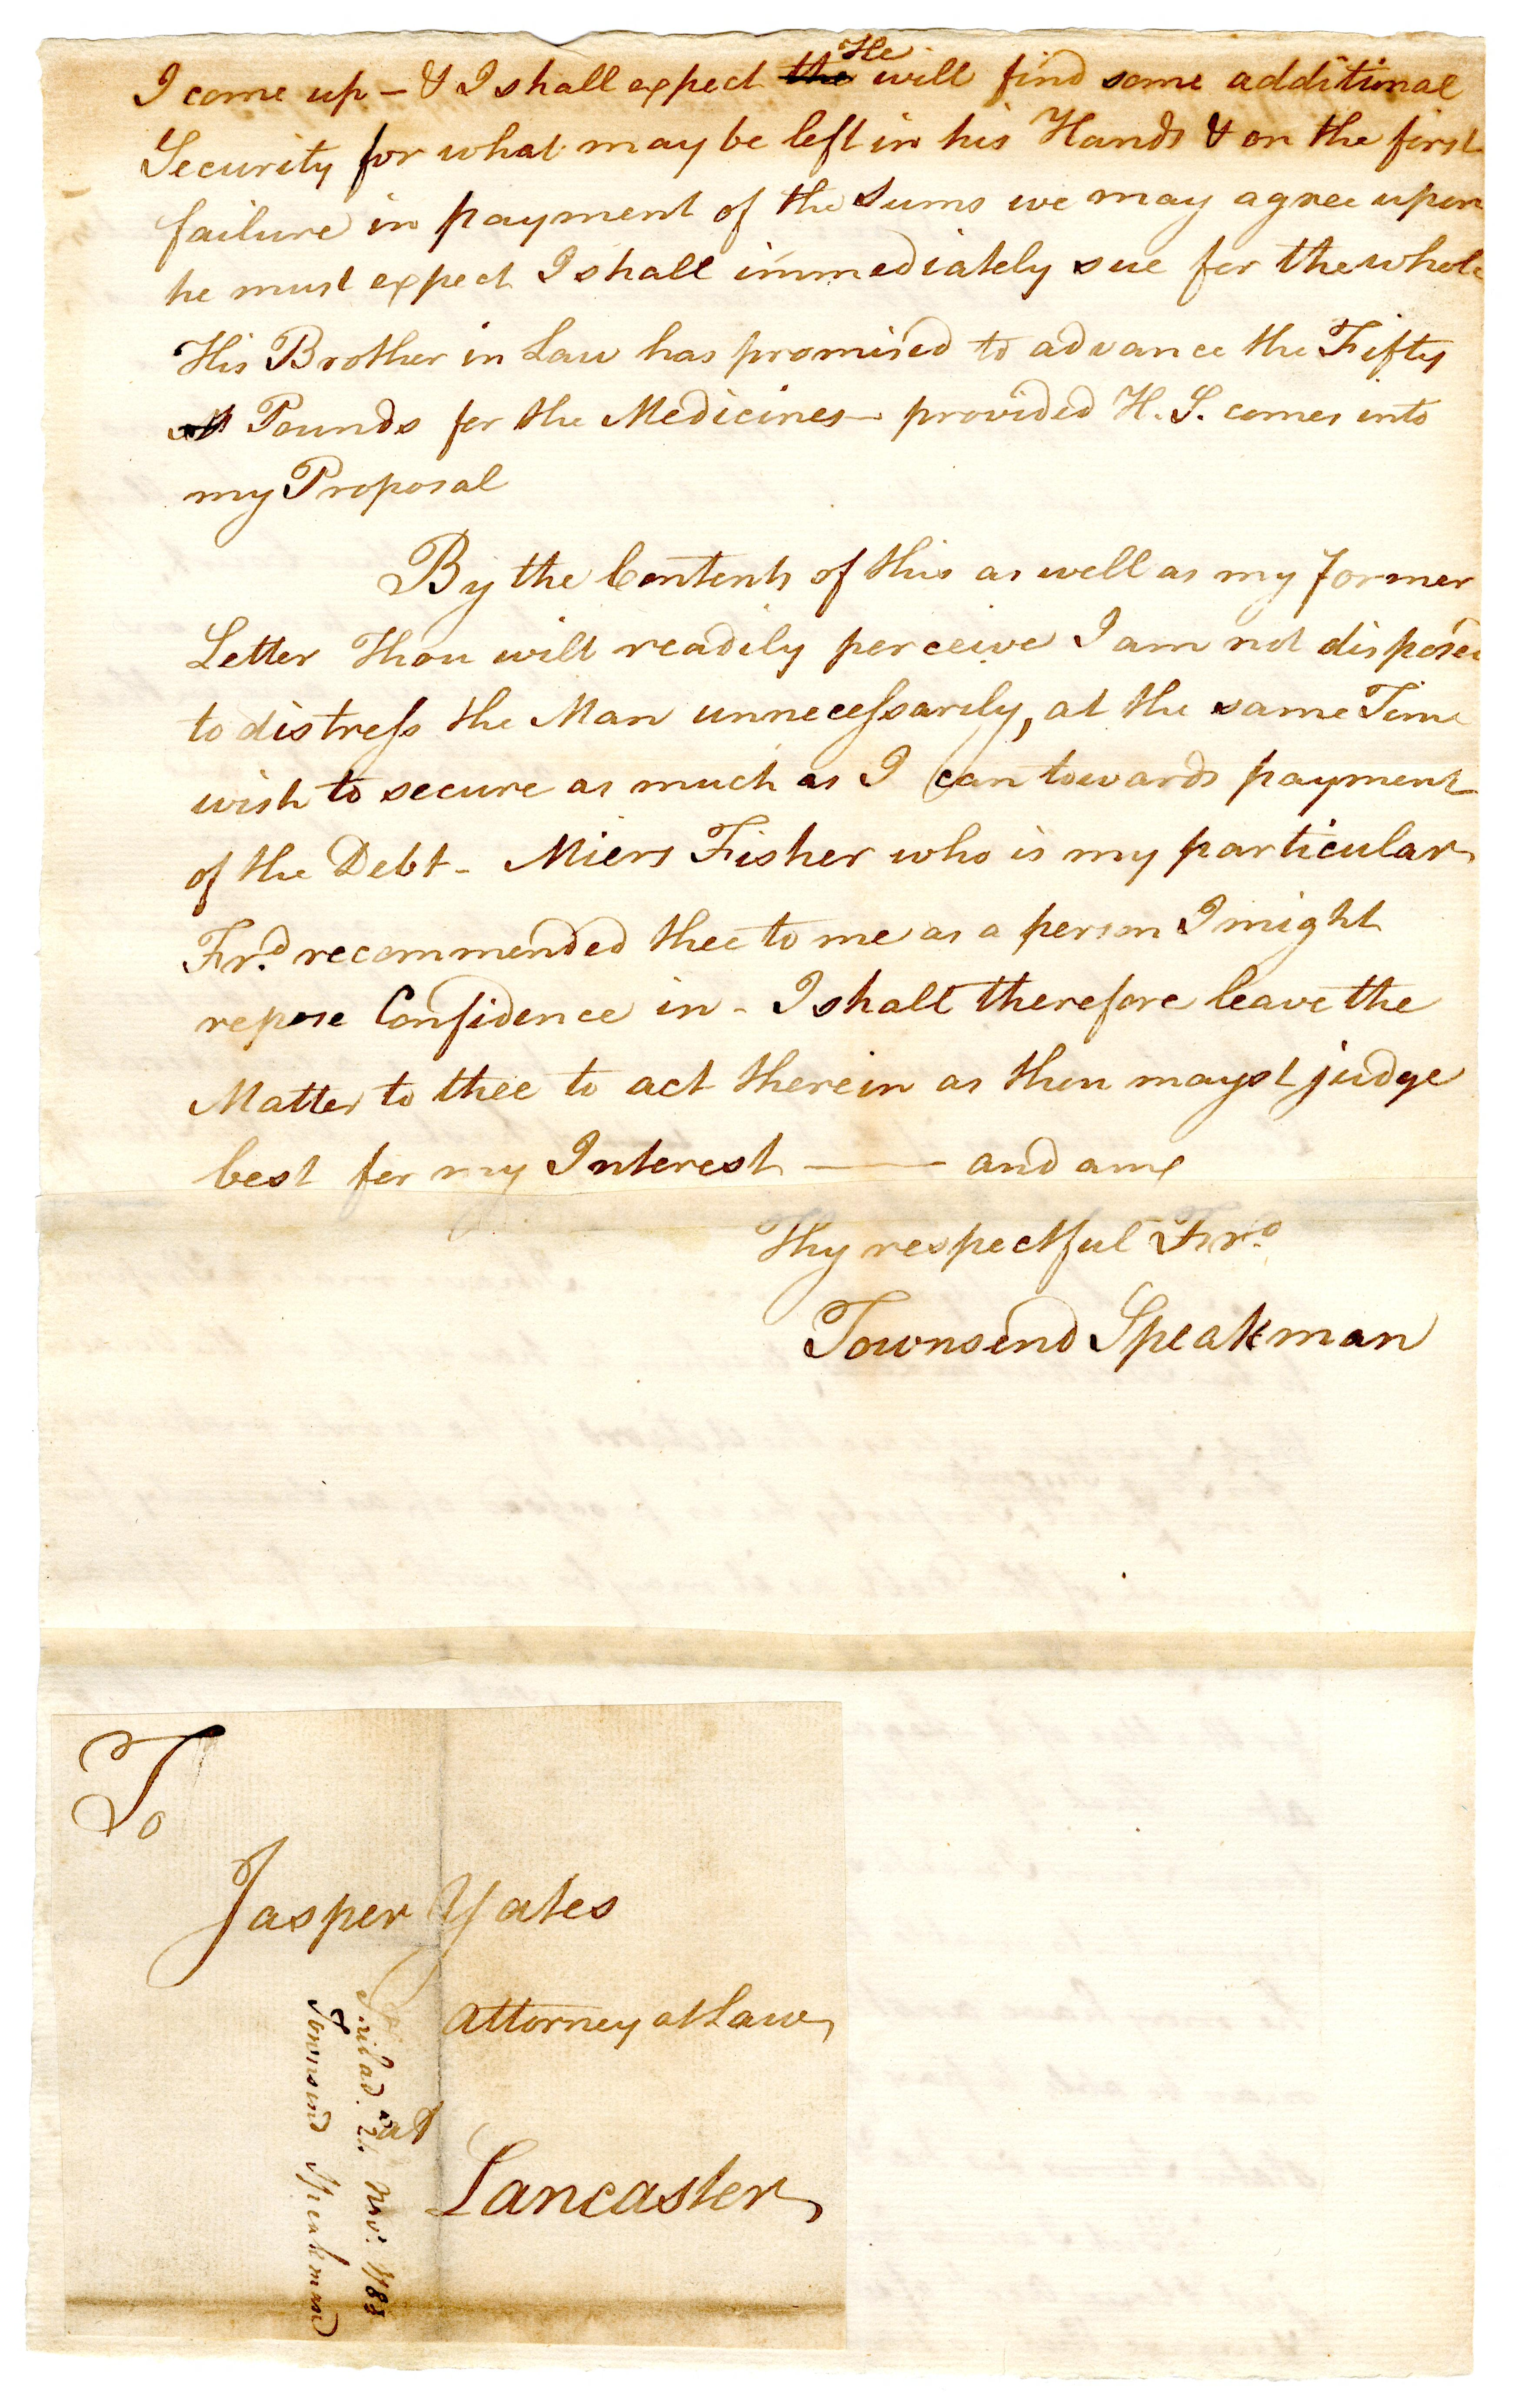He
I come up- & I shall expect [the] will find some additional
Security for what may be left in his Hands & on the first
failure in payment of the sums we may agree upon
he must expect I shall immediately sue for the whole
His Brother in Law has promised to advance the Fifty
[___] Pounds for the Medicines provided H.S. comes into
my Proposal
By the Contents of this as well as my former
Letter Thou will readily perceive I am not disposed
to distress the Man unnecessarily, at the same Time
wish to secure as much as I can towards payment
of the Debt. Miers Fisher who is my particular
Fr^d. recommended thee to me as a person I might
repose Confidence in. I shall therefore leave the
Matter to thee to act therein as then mayst judge
best for my Interest- and am
Thy respectful Fr^d.
Townsend Speakman
To
Jasper Yates
at
Attorney at Law
Lancaster
Phlad^a. 2. Nov^r. 1783
Townsend Speakman